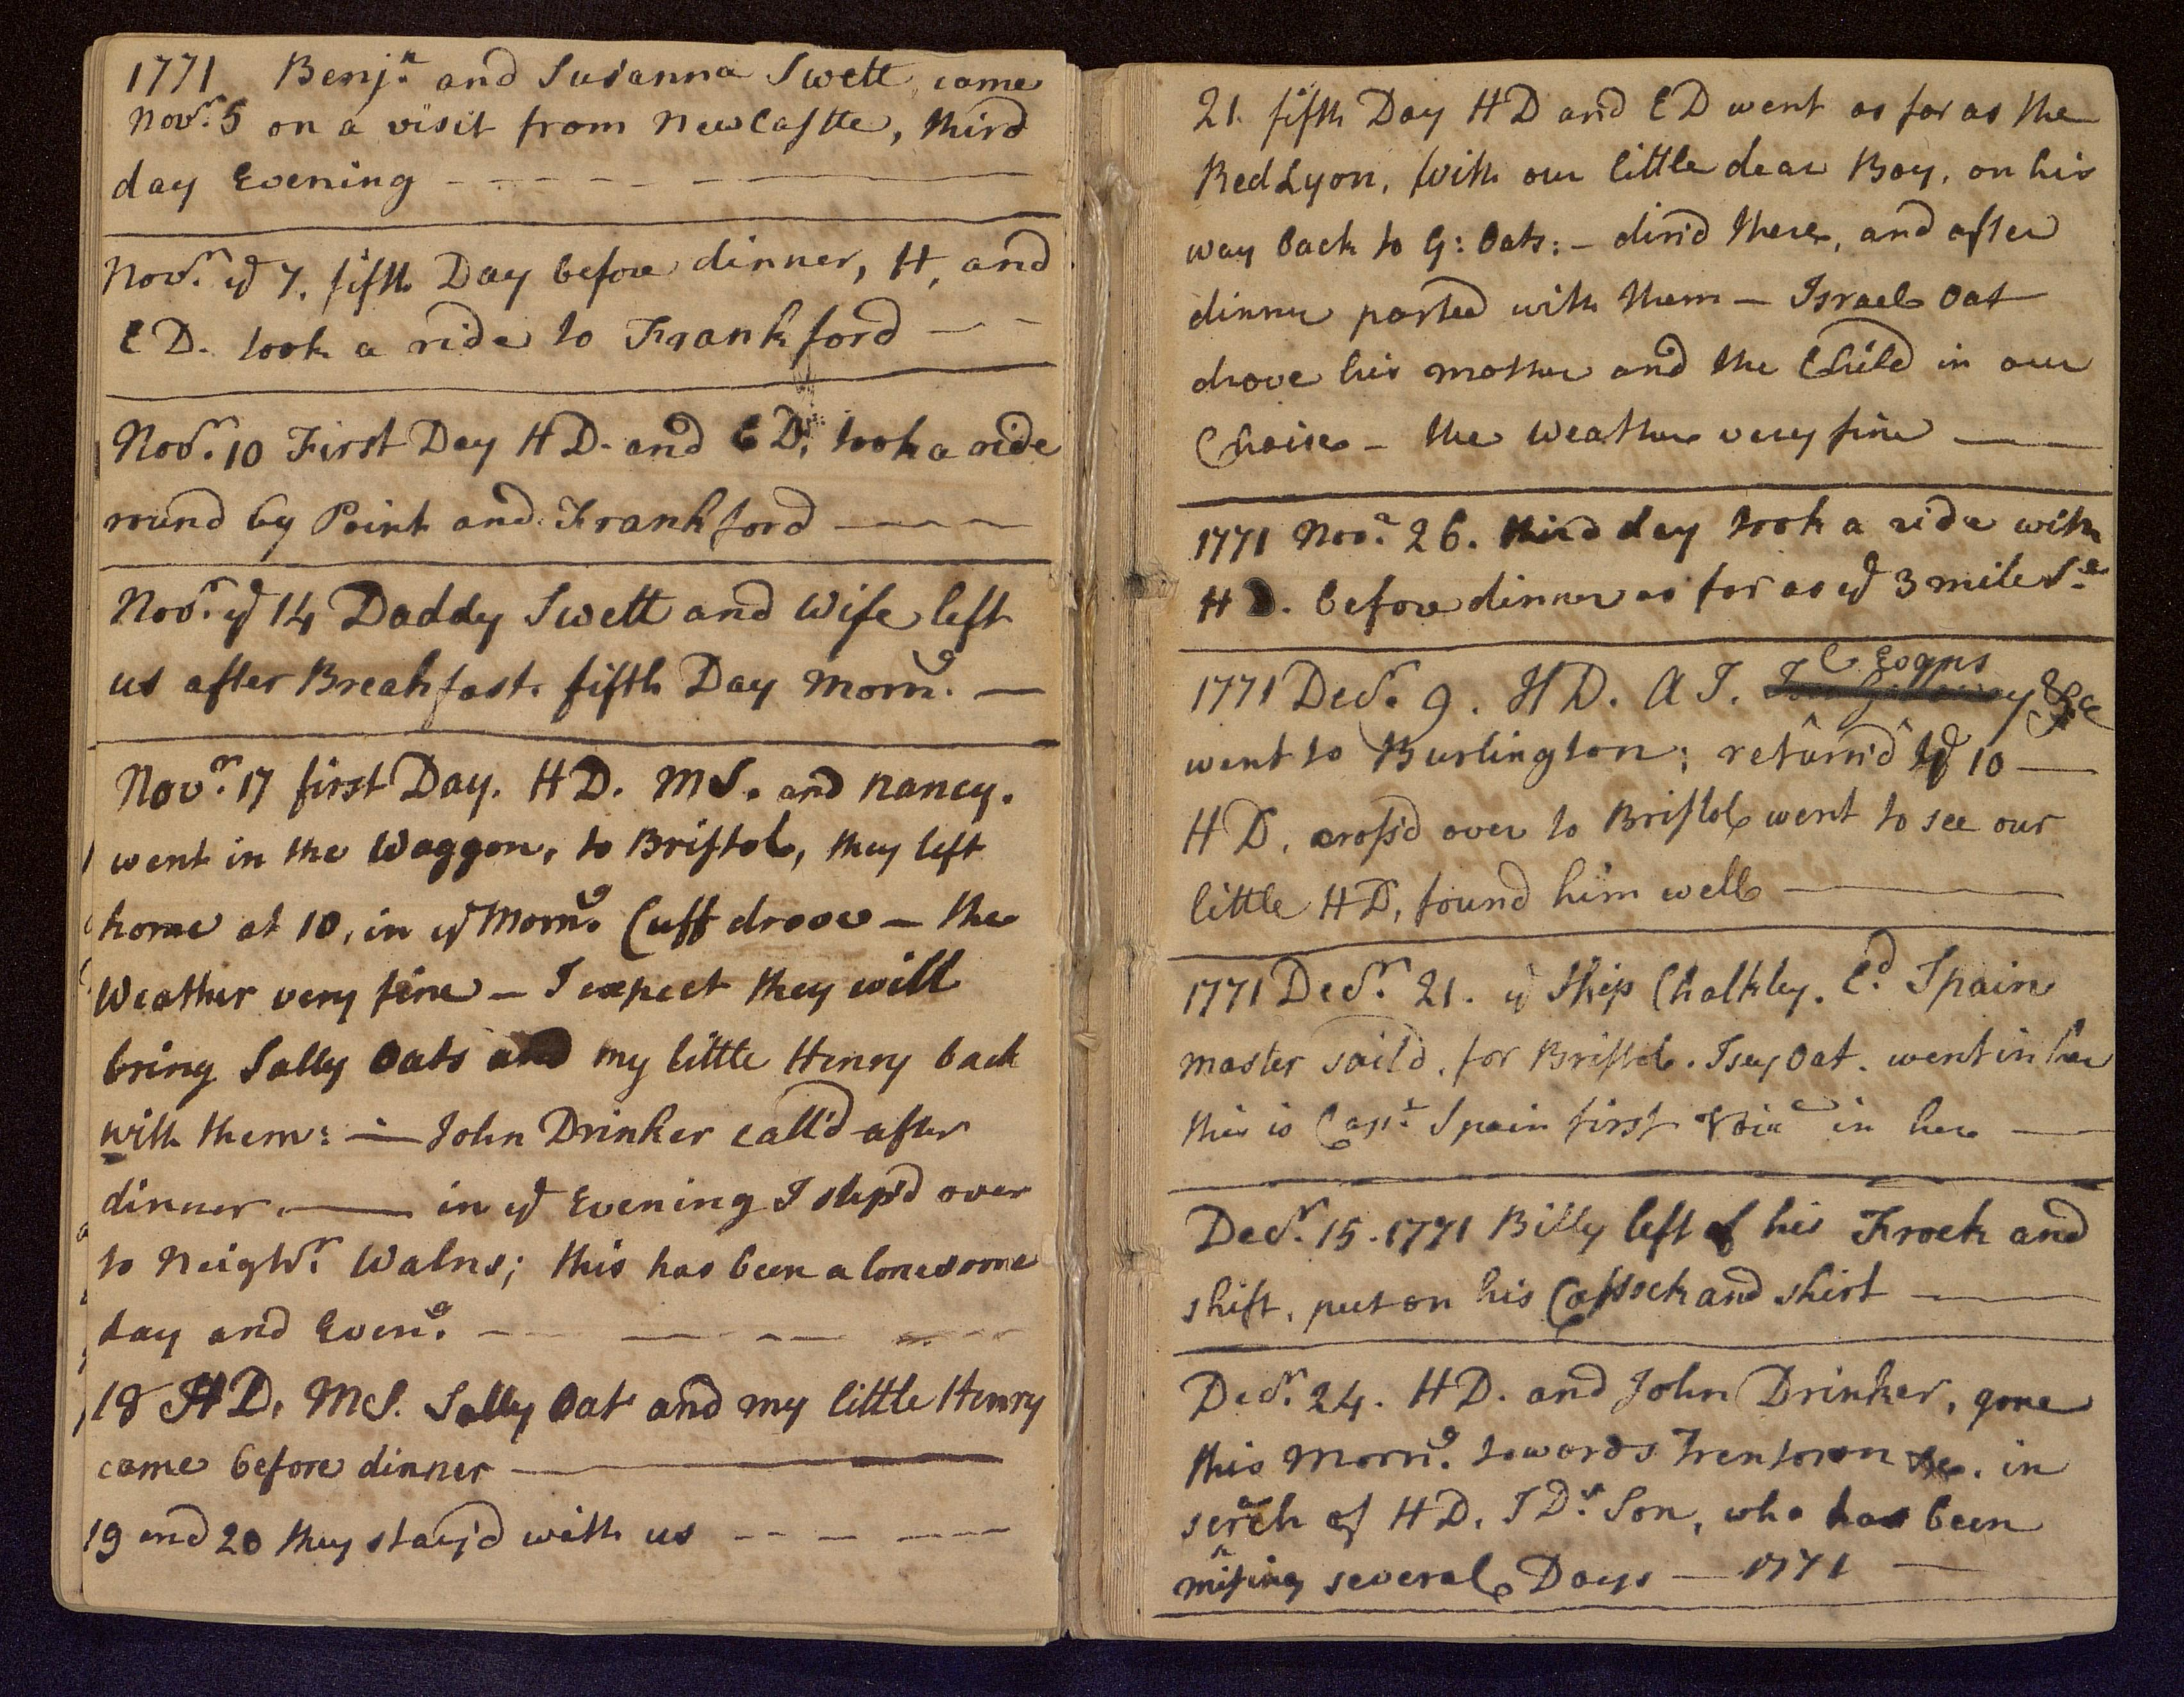1771 Benj^n. and Susanna Swett came
Nov^r. 5 on a visit from New Castle, third
day Evening-
Nov^r. y^e 7. fifth Day before dinner, H and
ED. took a ride to Frankford-
Nov^m. 10 First Day HD. and ED. took a ride
round by Point and Frankford-
Nov^r. y^e 14 Daddy Swelt and Wife left
us after Breakfast fifth Day Morn^g.-
Nov^r. 17 first Day. HD^. MS. and Nancy.
went in the Waggon, to Bristol, they left
home at 10, in y^e Morn^g. Cuff drove- the
Weather very fine- I expect they will
bring Sally Oats and my little Henry back
with them:- John Drinker call'd after
dinner- in y^e Evening I step'd over
to Neigh^r. Walns; this has been alonesome
day and Even^g.-
18 HD. MS. Sally Oat and my little Henry
came before dinner-
19 and 20 they stay'd watl us--
21 fifth Day HD and ED went as far as the
Red Lyon, with our little dear Boy, on his
way back to G: Oats.- din'd there, and after
dinner parted with them- Israel Oat
drove his mother and the Child in our
Chaise- the Weather very fine-
1771 Nov^r. 26. third day took a ride with
HD. for dinner as far as y^e 3 mile s^e.
C. Evans
1771 Dec^r.9. HD. AJ. [Jos. Galloway] ^ &ce
went to Burlington; return'd y^e 10-
HD. cross'd over to Bristol went to see our
little HD, found him well-
1771 Dec^r. 21. y^e Ship Chalkley. E^d. Spain
master saild for Bristol. Isal Oat. went in her
this is Cap't Spain first Voir? in here-
Dec^r. 15. 1771 Billy left of his Frock and
shift, put on his Cassoch and shirt-
Dec^r. 24. HD. and John Drinker, gone
this morn^g. towords Trentown &c, in
se^arch of HD. SD^s. Son, who has been
missing several Days- 1771